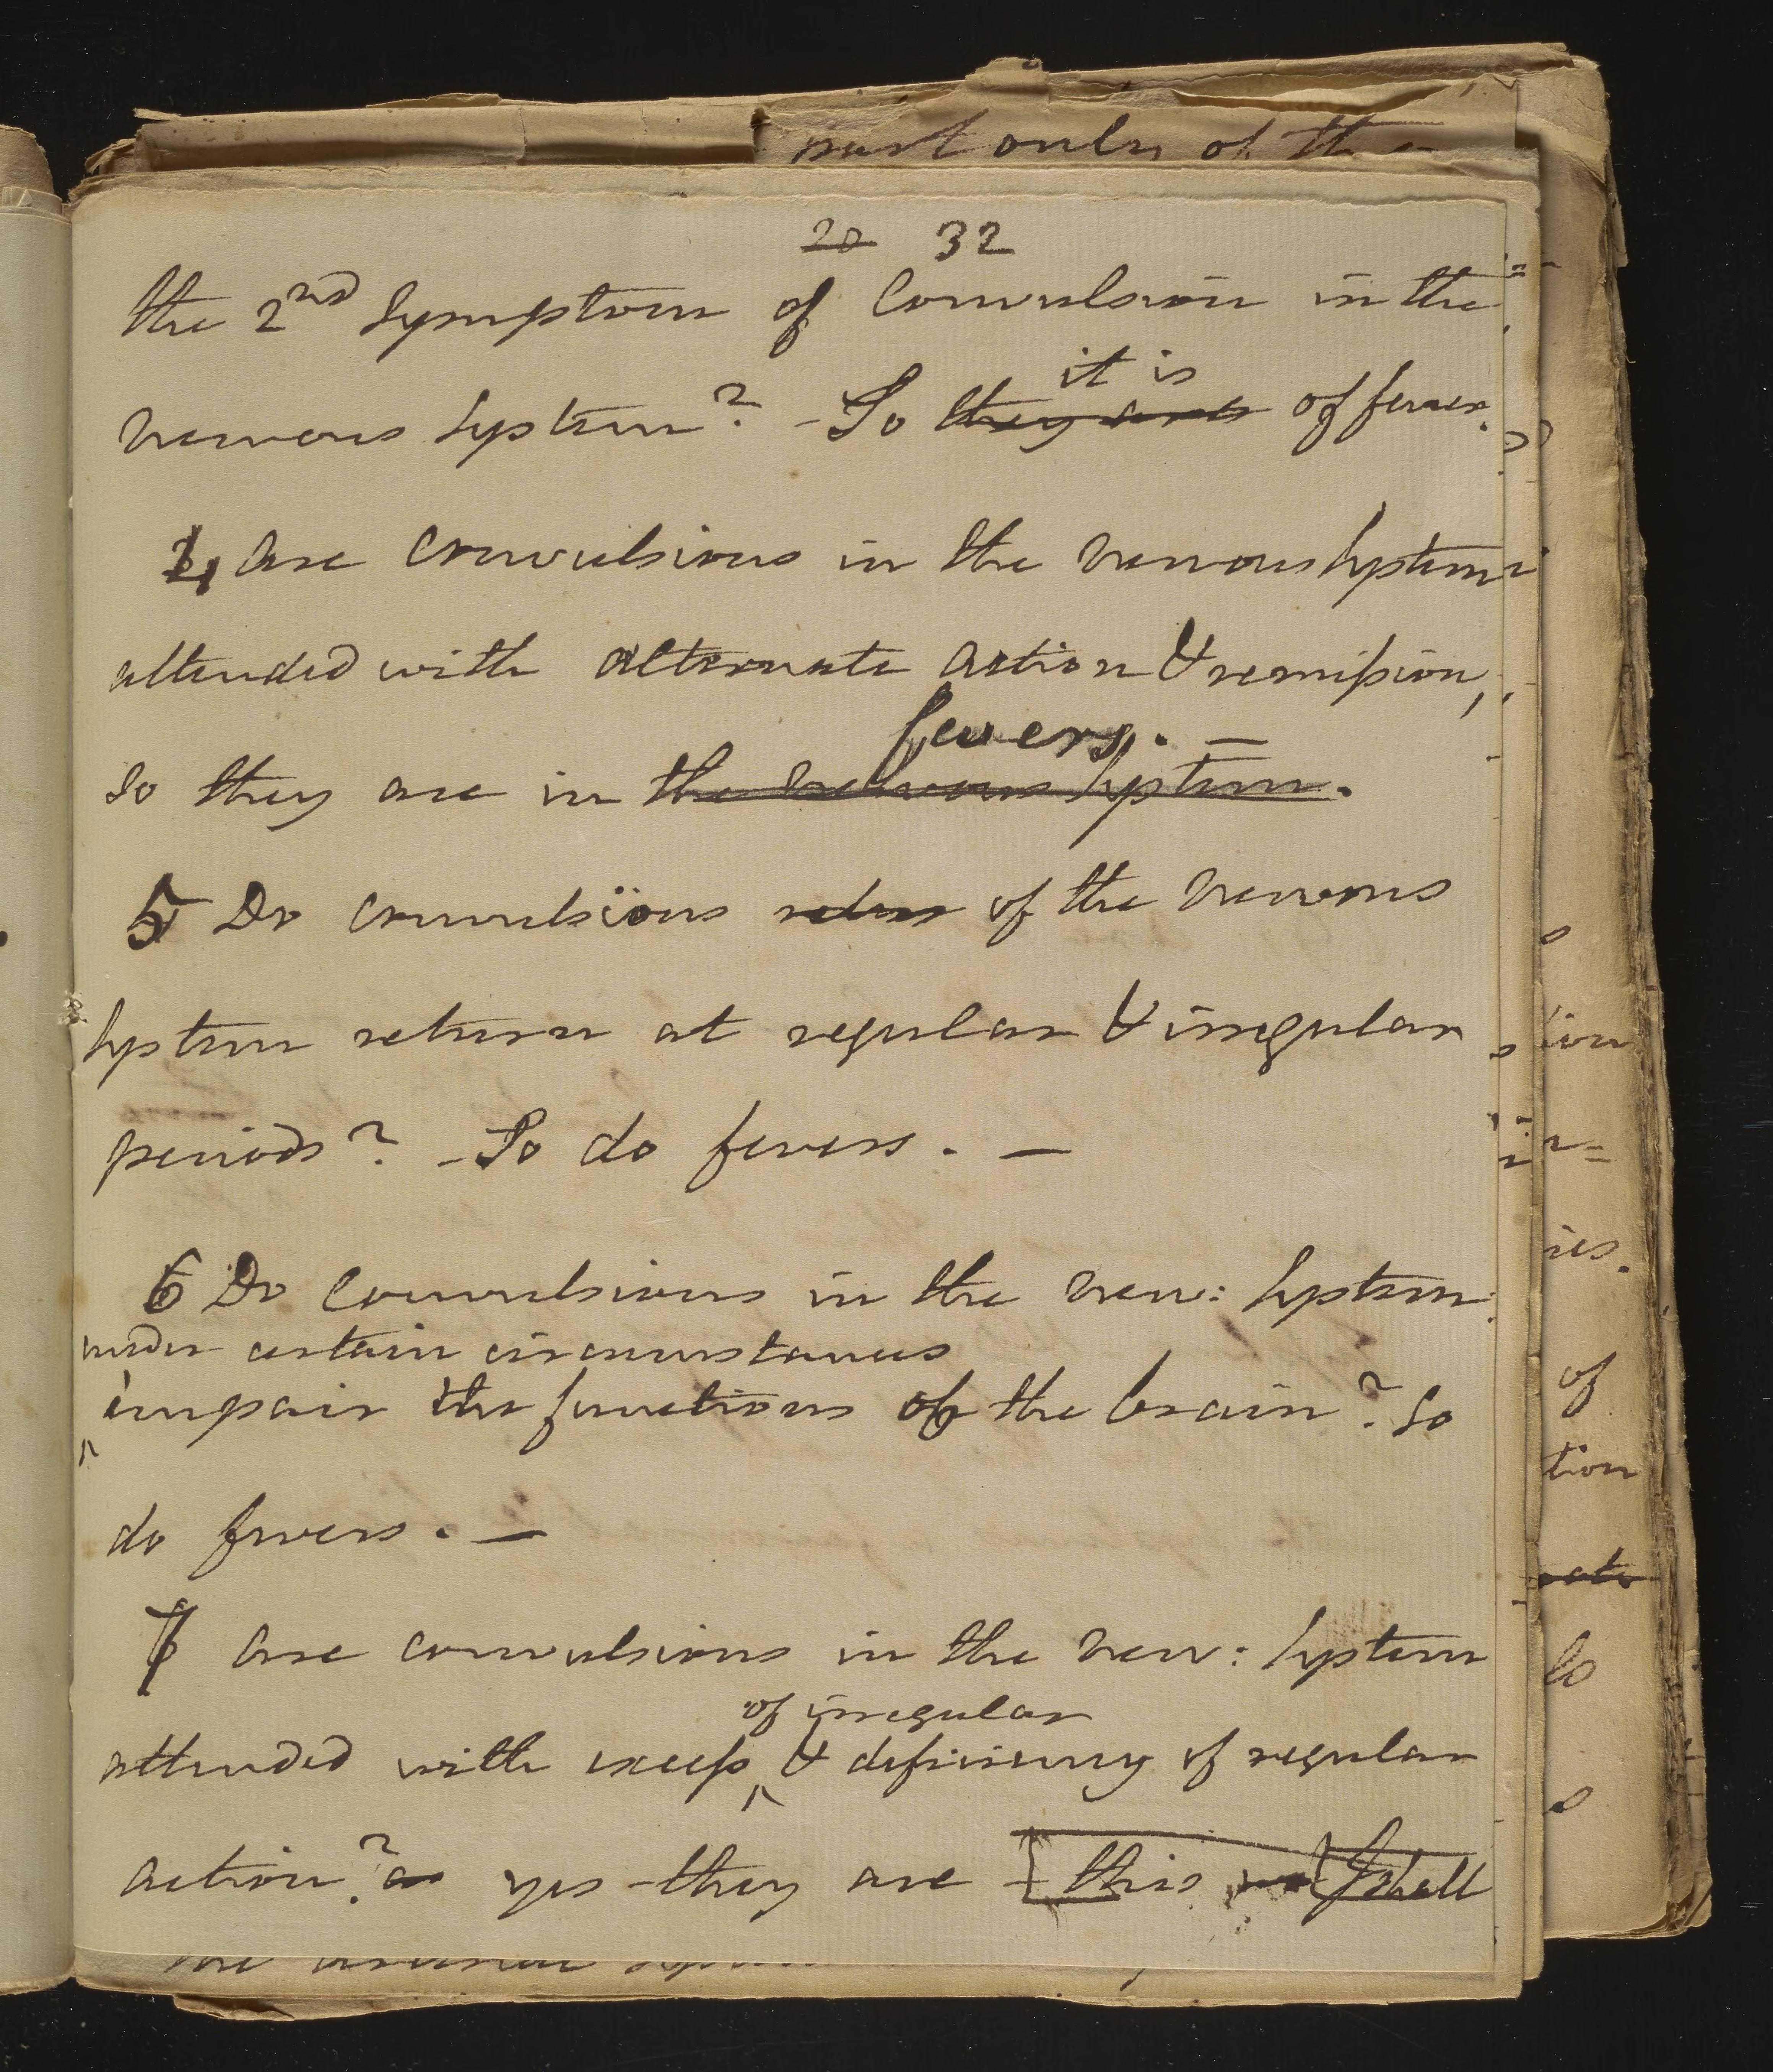32
the 2nd symptom of convulsion in the
it is
nervous system? So [they ____] of fever.
4 Are convulsions in the nervous system
attended with alternate action & remission,
fevers.
So they are in [the nervous system].
5 Do convulsions [retur] of the nervous
system return at regular & irregular
periods? So do fevers.
6 Do Convulsions in the ner. system
under certain circumstances
impair the functions of the brain? So
do fevers.
7 Are convulsions in the ner. system
of irregular
attended with excess ^ & deficiency of regular
action? Yes they are (This (I shall